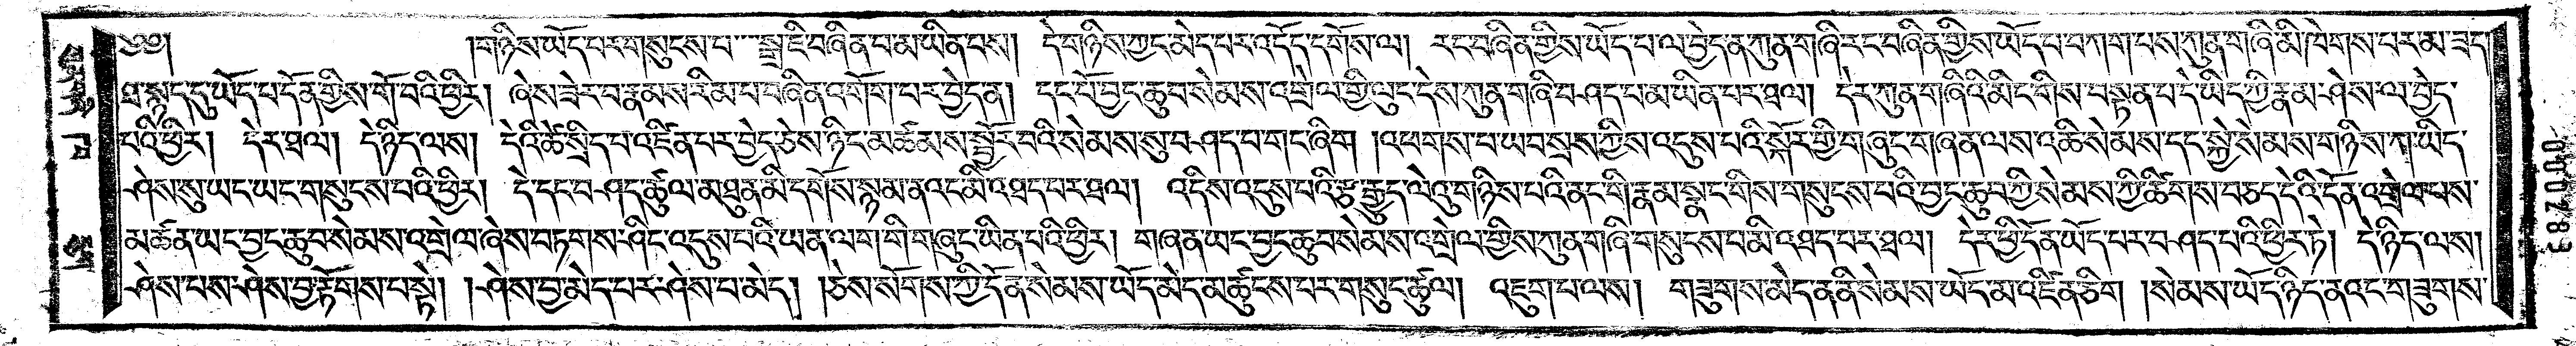༄༅། །གཉིས་ཡོད་པར་གསུངས་པ་སྒྲ་ཇི་བཞིན་པ་མ་ཡིན་པས། དེ་གཉིས་ཀྱང་མེད་པར་འདོད་དགོས་ལ། རང་བཞིན་གྱིས་ཡོད་པ་ལ་བྱེད་ན་ཀུན་གཞི་རང་བཞིན་གྱིས་ཡོད་པ་བཀག་པས་ཀུན་གཞི་མི་ཁེགས་པར་མ་ཟད་
ཐ་སྙད་དུ་ཡོད་པ་དོན་གྱིས་གོ་བའི་ཕྱིར། ཞེས་ཟེར་བ་རྣམས་རིམ་བ་བཞིན་འགོག་པར་བྱེད་ན། དང་པོ་བྱང་ཆུབ་སེམས་འགྲེལ་གྱི་ལུང་དེས་ཀུན་གཞི་བཤད་པ་མ་ཡིན་པར་ཐལ། དེར་ཀུན་གཞིའི་མིང་གིས་བསྟན་པ་དེ་ཡིད་ཀྱི་རྣམ་ཤེས་ལ་བྱེད་
པའི་ཕྱིར། དེར་ཐལ། དེ་ཉིད་ལས། དེའི་ཚེ་སྲིད་པ་འཛིན་པར་བྱེད་ཅེས་ཉིད་མཚམས་སྦྱོར་བའི་སེམས་སུ་བཤད་པ་གང་ཞིག །འཕགས་པ་ཡབ་སྲས་ཀྱིས་འདུས་པའི་སྐོར་གྱི་གཞུང་གཞན་ལས་འཆི་སེམས་དང་སྐྱེ་སེམས་གཉིས་ཀ་ཡིད་
ཤེས་སུ་ཡང་ཡང་གསུངས་པའི་ཕྱིར། དེ་དང་བཤད་ཚུལ་མཐུན་མི་དགོས་སྙམ་ནའང་མི་འཐད་པར་ཐལ། འདིས་འདུས་པའི་རྩ་རྒྱུད་ལེའུ་གཉིས་པའི་ནང་གི་རྣམ་སྣང་གིས་གསུངས་པའི་བྱང་ཆུབ་ཀྱི་སེམས་ཀྱི་ཚིགས་བཅད་དེའི་དོན་འགྲེལ་པས་
མཚན་ཡང་བྱང་ཆུབ་སེམས་འགྲེལ་ཞེས་བཏགས་ཤིང་འདུས་པའི་ཡན་ལག་གི་གཞུང་ཡིན་པའི་ཕྱིར། གཞན་ཡང་བྱང་ཆུབ་སེམས་འགྲེལ་གྱིས་ཀུན་གཞི་གསུངས་བ་མི་འཐད་པར་ཐལ། དེར་ཕྱི་དོན་ཡོད་པར་བཤད་པའི་ཕྱིར་ཏེ། དེ་ཉིད་ལས།
ཤེས་པས་ཤེས་བྱ་རྟོགས་པ་སྟེ། །ཤེས་བྱ་མེད་པར་ཤེས་པ་མེད། །ཅེས་སོགས་ཀྱི་དོན་སེམས་ཡོད་མེད་མཚུངས་པར་གསུང་ཚུལ། འཇུག་པ་ལས། གཟུགས་མེད་ན་ནི་སེམས་ཡོད་མ་འཛིན་ཅིག །སེམས་ཡོད་ཉིད་ནའང་གཟུགས་